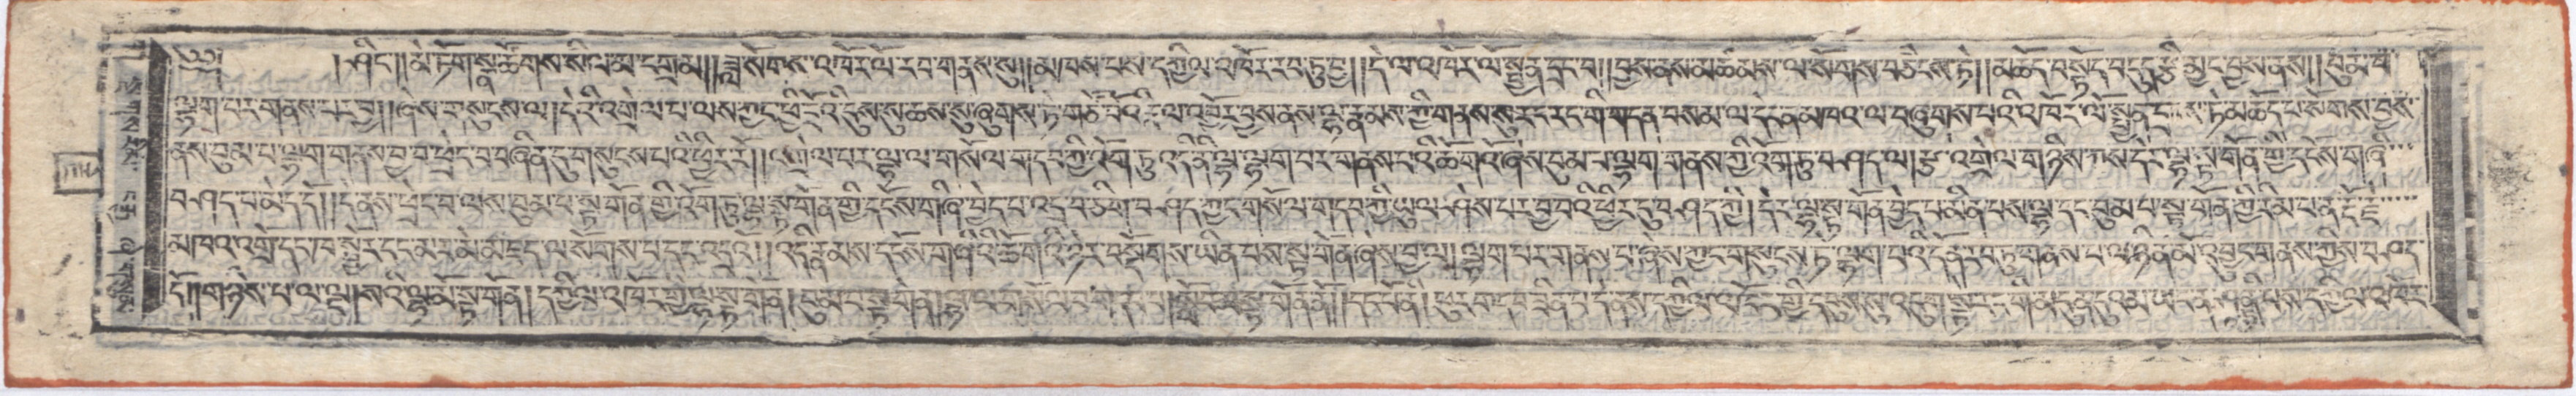༄༅། །ཤིང་། །མེ་ཏོག་སྣ་ཚོགས་སིལ་མ་དགྲམ། །ཟླ་སོགས་འཁོར་ལོ་རབ་གནས་སུ། །མཁས་པས་དཀྱིལ་འཁོར་རབ་ཏུ་བྱ། །དེ་ལ་འཁོར་ལོ་སྤྱན་དྲང་བ། །བྱས་ནས་མཚམས་ལ་སོགས་བཅིངས་ཏེ། །མཆོད་བསྟོད་བདུད་རྩི་མྱང་བྱས་ནས། །བུམ་པ་
ལྷག་པར་གནས་པར་བྱ། །ཞེས་གསུངས་ལ། དེའི་འགྲེལ་པ་ལས་ཀྱང་ཕྱི་དྲོའི་དུས་སུ་ཆས་སུ་ཞུགས་ཏེ་གཙོ་བོའི་རྣལ་འབྱོར་བྱས་ནས་ལྷ་རྣམས་ཀྱི་གནས་སུ་རང་རང་གི་གདན་བསམ་ལ་དེང་ནམ་མཁའ་ལ་བཞུགས་པའི་འཁོར་ལོ་སྤྱན་དྲངས་ཏེ་མཆོད་པ་སོགས་བྱས་
ནས་བུམ་པ་ལྷག་གནས་བྱ་བ་ཕྲེང་བ་བཞིན་དུ་གསུངས་པའི་ཕྱིར་རོ། །འགྲེལ་པར་ལྷ་ལ་གསོལ་གདབ་ཀྱི་འོག་ཏུ་འདི་ནི་ལྷ་ལྷག་པར་གནས་པའི་ཆོ་གའོ་ཞེས་བུམ་པ་ལྷག་གནས་ཀྱི་འོག་ཏུ་བཤད་ལ། རྩ་འགྲེལ་གཉིས་ཀས་དེར་ལྷ་སྟ་གོན་གྱི་དངོས་གཞི་
བཤད་པ་མེད་དོ། །དེ་ནས་ཕྲེང་བ་ལས་བུམ་པ་སྟ་གོན་གྱི་འོག་ཏུ་ལྷ་སྟ་གོན་གྱི་དངོས་གཞི་བྱེད་པ་འདྲ་བ་ཅིག་བཤད་ཀྱང་གསོལ་གདབ་ཀྱི་ཡུལ་ཤེས་པར་བྱ་བའི་ཕྱིར་དུ་བཤད་ཀྱི། དེར་ལྷ་སྟ་གོན་བྱེད་པ་མིན་པས་ལྷ་དང་བུམ་པ་སྟ་གོན་ཀྱི་རིམ་པ་ན་རྡོ་རྗེ་
མཁའ་འགྲོ་དང་ཁ་སྦྱོར་དང་མར་མེ་མཛད་ལ་སོགས་པ་དང་འདྲའོ། །འདི་རྣམས་དངོས་གཞིའི་ཆོ་གའི་ཉེར་བསྡོགས་ཡིན་པས་སྟ་གོན་ཞེས་བྱ་ལ། ལྷག་པར་གནས་པ་ཞེས་ཀྱང་གསུངས་ཏེ་ལྷག་པའི་དོན་རབ་ཏུ་གནས་པ་ལ་ཉིན་མོ་འབྱུང་གནས་ཀྱིས་བཤད་
དོ། །གཉིས་པ་ལ་ལྔ། སའི་ལྷ་མོ་སྟ་གོན། དཀྱིལ་འཁོར་གྱི་ལྷ་སྟ་གོན། བུམ་པ་སྟ་གོན། ལྷ་ལ་གསོལ་བ་གདབ་པ། སློབ་མ་སྟ་གོན་ནོ། །དང་པོ་ནི། ཕུར་གདབ་ཟིན་པ་དེ་ནས་དཀྱིལ་འཁོར་གྱི་དབུས་སུ་འདུག་སྟེ་རང་གི་མདུན་དུའམ་ཡང་ན་ཤཱནྟི་པས་དཀྱིལ་འཁོར་